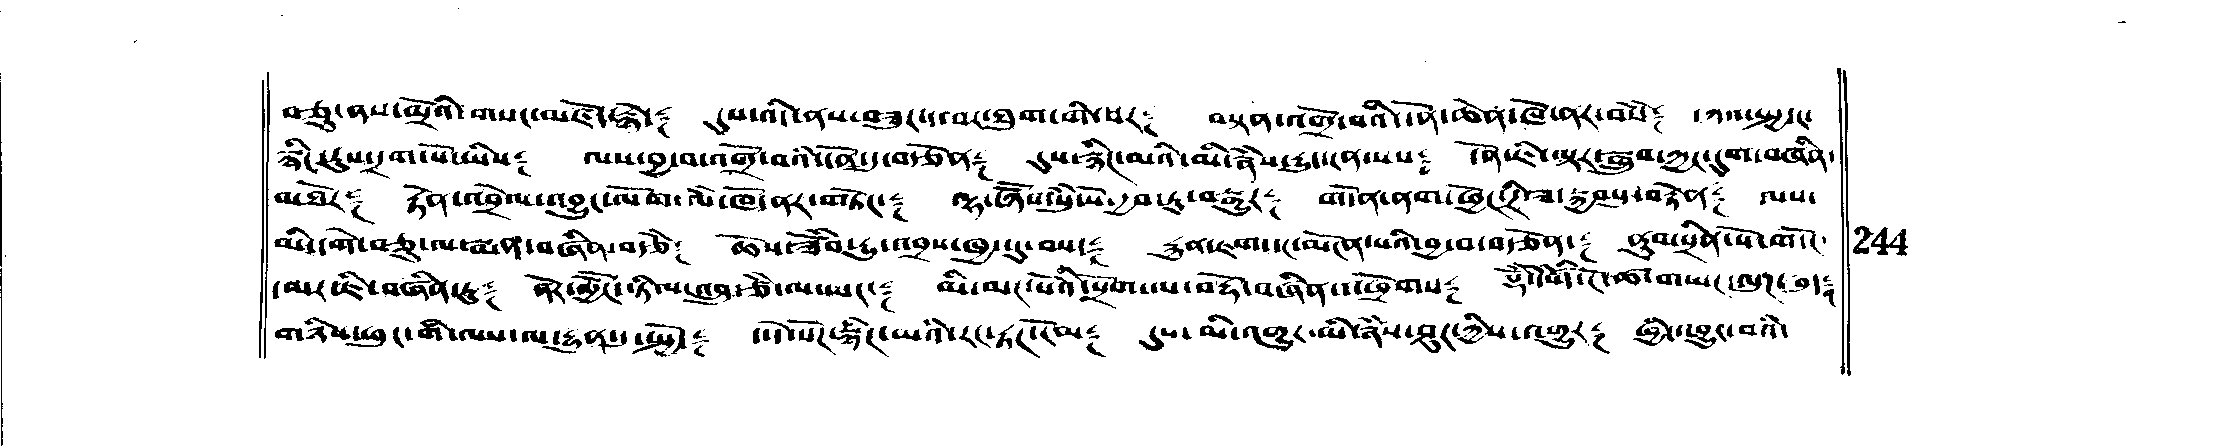བཅུ་ནས་མཁའ་འགྲོའི་གསང་མཛོད་རྙེད། །དུས་འདི་ནས་བཟུང་ད་བར་ཐུག་གི་བར། །བསྟན་འགྲོ་བའི་དོན་ཆེན་ཁོ་ནར་བསམ། །དཀའ་སྤྱད་དང་
སྙིང་རུས་དྲག་པོ་ཡིས། །ལས་བྱ་བ་འགྲོ་བའི་དོན་དུ་བརྩོན། །དུས་སྙིགས་མའི་མི་རྣམས་རྒྱུད་ངན་པས། །དོན་ཇི་ལྟར་སྒྲུབ་ཀྱང་དུག་བཞིན་
མཐོང་། །རྟེན་འབྲེལ་འབྱུང་ལོག་ལམ་ཁོ་ནར་གཏོང་། །ལྷ་དཀོན་མཆོག་གསུམ་པོ་རྒྱབ་ཏུ་བསྐྱུར། །གདོན་ནག་ཕྱོགས་དྲི་ཟ་སྐྱབས་སུ་བསྟེན། །ལས་
མི་དགེ་བཅུ་ལ་སྨན་བཞིན་བརྩམ། །ཆོས་ཟབ་མོ་རྒྱུ་འབྲས་ཁྱད་དུ་བསད། །རྐུན་ཇག་དང་རྔོན་པའི་བྱ་བ་བརྩོན། །ནུབ་སྲིན་པོ་གདོང་
དམར་ཇི་བཞིན་དུ། །ནོར་ལོངས་སྤྱོད་ཏིལ་འབྲུ་ཙམ་ལ་ཡང་། །མི་མང་པོའི་སྲོག་ལ་བསྡོ་བཞིན་འཕྲོག། །སྡོམ་དམ་ཚིག་ངོ་ཚ་གཡང་ལུགས་བུད། །
གཉིས་ཕུང་གི་ལས་ལ་རྒྱུན་དུ་སྤྱོད། །ད་དེ་སོགས་སྙིགས་མའི་རང་རྟགས་ངོམ། །དུས་མི་འགྱུར་མི་རྣམས་ཤུགས་ཀྱིས་འགྱུར། །ཕྱི་འབྱུང་བའི་